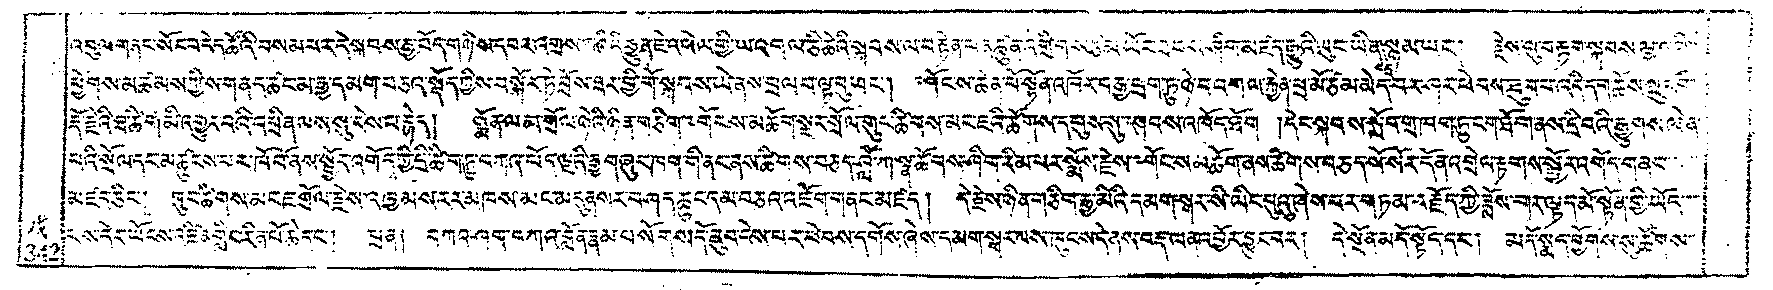འབུལ་གནང་སོང་བ་ངེད་ཚོའི་བསམ་པར་དེ་སྐབས་རྒྱ་བོད་གཉིས་དབར་འགྲས་གཞིའི་རྒྱུན་ཇེ་འཕེལ་གྱི་ཡ་འགལ་ཅི་ཆེའི་སྐབས་ལ་བརྟེན་ཕན་ཚུན་འགྲིགས་ཙམ་ཡོང་ཐབས་ཤིག་མཛད་རྒྱུའི་ལུང་ཡིན་འདྲ་སྙམ་ཡང་། རྗེས་སུ་བརྟག་སྐབས་ལྷ་སའི་
ཕྱོགས་མཚམས་ཀྱིས་གནད་ཚང་མ་རྒྱ་དམག་བཅའ་སྡོད་ཀྱིས་བསྐོར་ཏེ་བྲོས་ཐར་གྱི་གོ་སྐབས་ཡེ་ནས་བྲལ་བ་ལྟ་བུ་ཡང་། ༧གོང་ས་ཆེན་པོ་སྟོན་འཁོར་བརྒྱ་ཕྲག་ཏུ་ཉེ་བ་འགལ་རྐྱེན་ཕྲ་མོ་ཙམ་མེད་པར་ཤར་ཕེབས་ཐུབ་པ་འདི་དག་ཆོས་སྲུང་གི་
རྡོ་རྗེའི་ཐ་ཚིག་མི་འགྱུར་བའི་འཕྲིན་ལས་སུ་ངེས་པ་རྙེད། སྨོན་ལམ་གྲོལ་ཉེའི་ཉིན་གཅིག་༧གོང་ས་མཆོག་སྔར་སྲོལ་གུང་ཚིགས་མང་ཇའི་ཚོགས་དབུས་སུ་༧ཞབས་འཁོད་ཐོག །དེང་སྐབས་སློབ་གྲྭ་ཁག་ཏུ་ངག་ཐོག་ནས་དྲི་བའི་རྒྱུགས་ལེན་
པའི་སྲོལ་དང་མཚུངས་པར་ཁོ་བོ་ནས་སྦྱོར་འགོད་ཀྱི་དྲི་ཚིག་ཏུ་བཀའ་པོད་ལྔའི་རྒྱ་གཞུང་ཁག་གི་ནང་ནས་ཚིགས་བཅད་ཤོལོ་ཀ་སྣ་ཚོགས་ཤིག་རིམ་པར་སྨོས་རྗེས་༧གོང་ས་མཆོག་ནས་ཚིགས་བཅད་སོ་སོར་དོན་འགྲེལ་རྟགས་སྦྱོར་འགོད་གནང་
མཛད་ཅིང་། གུང་ཚིགས་མང་ཇ་གྲོལ་རྗེས་འཁྱམས་རར་མཁས་མང་མདུན་སར་བཤད་ཆུང་དམ་བཅའ་འཇོག་གནང་མཛད། དེ་རྗེས་ཉིན་གཅིག་རྒྱ་མིའི་དམག་སྒར་སི་ལིང་པུའུ་ཞེས་པར་གཏམ་བརྗོད་ཀྱི་ཟློས་གར་ལྟད་མོ་སྟོན་གྱི་ཡོད་
པས་དེར་ཡོངས་འཛིན་གླིང་རིན་པོ་ཆེ་དང་། ཕྲན། བཀའ་ཤག་བཀའ་བློན་རྣམ་པ་སོགས་དོ་ནུབ་ངེས་པར་ཕེབས་དགོས་ཞེས་དམག་སྒར་ལས་ཁུངས་དེ་ནས་བརྡ་ལན་འབྱོར་བྱུང་བར། དེ་སྔོན་མདོ་སྟོད་དང་། མདོ་སྨད་ཕྱོགས་སུ་ཚོགས་